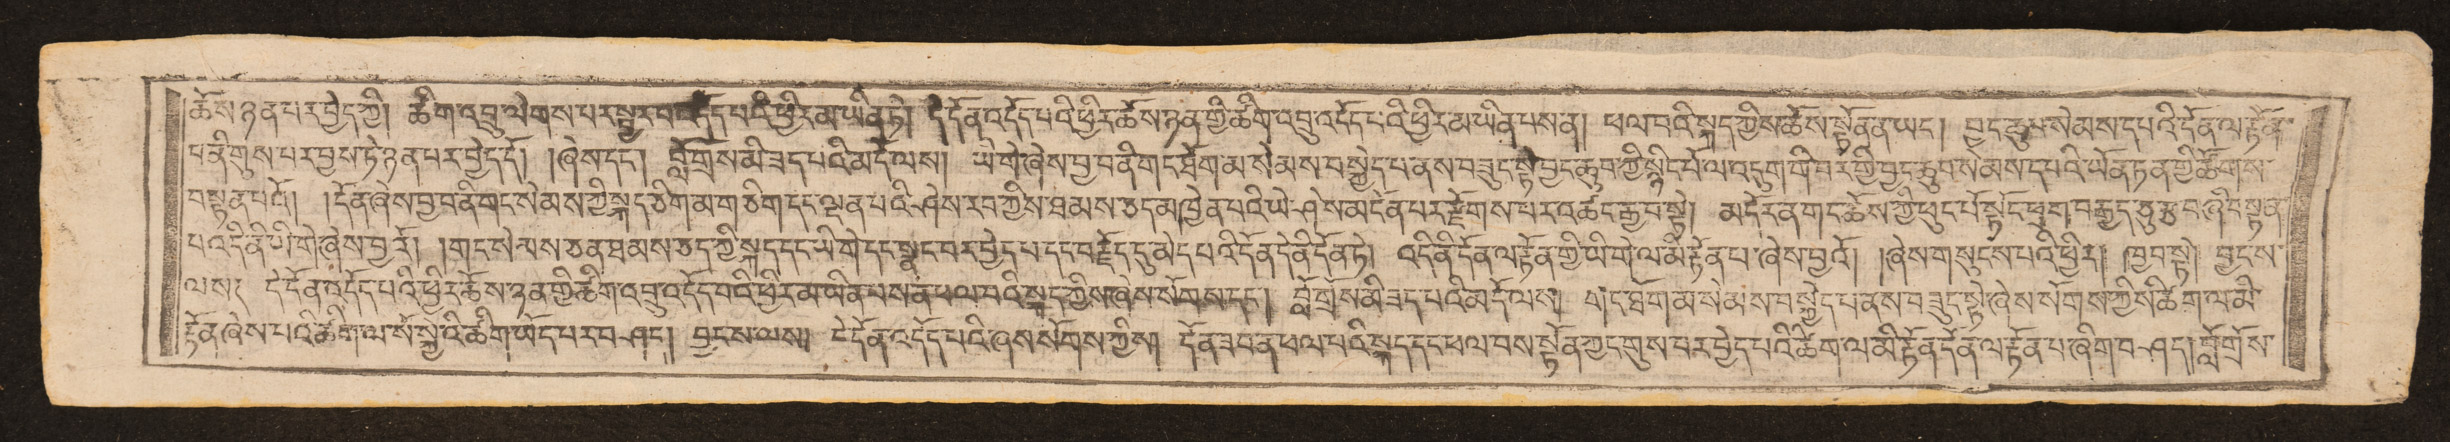ཆོས་ཉན་པར་བྱེད་ཀྱི། ཚིག་འབྲུ་ལེགས་པར་སྦྱར་བ་འདོད་པའི་ཕྱིར་མ་ཡིན་ཏེ། དེ་དོན་འདོད་པའི་ཕྱིར་ཆོས་ཉན་གྱི་ཚིག་འབྲུ་འདོད་པའི་ཕྱིར་མ་ཡིན་པས་ན། ཕལ་བའི་སྐད་ཀྱིས་ཆོས་སྟོན་ན་ཡང་། བྱང་ཆུབ་སེམས་དཔའི་དོན་ལ་རྟོན་
པ་ནི་གུས་པར་བྱས་ཏེ་ཉན་པར་བྱེད་དོ། །ཞེས་དང་། བློ་གྲོས་མི་ཟད་པའི་མདོ་ལས། ཡི་གེ་ཞེས་བྱ་བ་ནི་གང་ཐོག་མ་སེམས་བསྐྱེད་པ་ནས་བཟུང་སྟེ་བྱང་ཆུབ་ཀྱི་སྙིང་པོ་ལ་འདུག་གི་བར་གྱི་བྱང་ཆུབ་སེམས་དཔའི་ཡོན་ཏན་གྱི་ཚོགས་
བསྟན་པའོ། །དོན་ཞེས་བྱ་བ་ནི་གང་སེམས་ཀྱི་སྐད་ཅིག་མ་གཅིག་དང་ལྡན་པའི་ཤེས་རབ་ཀྱིས་ཐམས་ཅད་མཁྱེན་པའི་ཡེ་ཤེས་མངོན་པར་རྫོགས་པར་འཚང་རྒྱ་བ་སྟེ། མདོར་ན་གང་ཆོས་ཀྱི་ཕུང་པོ་སྟོང་ཕྲག་བརྒྱད་ཅུ་རྩ་བཞི་བསྟན་
པ་འདི་ནི་ཡི་གེ་ཞེས་བྱའོ། །གང་སེམས་ཅན་ཐམས་ཅད་ཀཡ་སྐད་དང་ཡི་གེ་དང་སྣང་བར་བྱེད་པ་དང་བརྗོད་དུ་མེད་པའི་དོན་དེ་ནི་དོན་ཏེ། འདི་ནི་དོན་ལ་རྟོན་གྱི་ཡི་གེ་ལ་མི་རྟོན་པ་ཞེས་བྱའོ། །ཞེས་གསུངས་པའི་ཕྱིར། ཁྱབ་སྟེ། བྱང་ས་
ལས༑ དེ་དོན་འདོད་པའི་ཕྱིར་ཆོས་ཉན་གྱི་ཚིག་འབྲུ་འདོད་པའི་ཕྱིར་མ་ཡིན་པས་ན་ཕལ་བའི་སྐད་ཀྱིས་ཞེས་སོགས་དང་། བློ་གྲོས་མི་ཟད་པའི་མདོ་ལས། གང་ཐོག་མ་སེམས་བསྐྱེད་པ་ནས་བཟུང་སྟེ་ཞེས་སོགས་ཀྱིས་ཚིག་ལ་མི་
རྟོན་ཞེས་པའི་ཚིག་ལ་སོ་སྐྱེའི་ཚིག་ཡོད་པར་བཤད། བྱང་ས་ལས། དེ་དོན་འདོད་པའི་ཞེས་སོགས་ཀྱིས། དོན་ཟབ་ན་ཕལ་པའི་སྐད་དང་ཕལ་བས་སྟོན་ཀྱང་གུས་པར་བྱེད་པའི་ཚིག་ལ་མི་རྟོན་དོན་ལ་རྟོན་པ་ཞིག་བཤད། བློ་གྲོས་